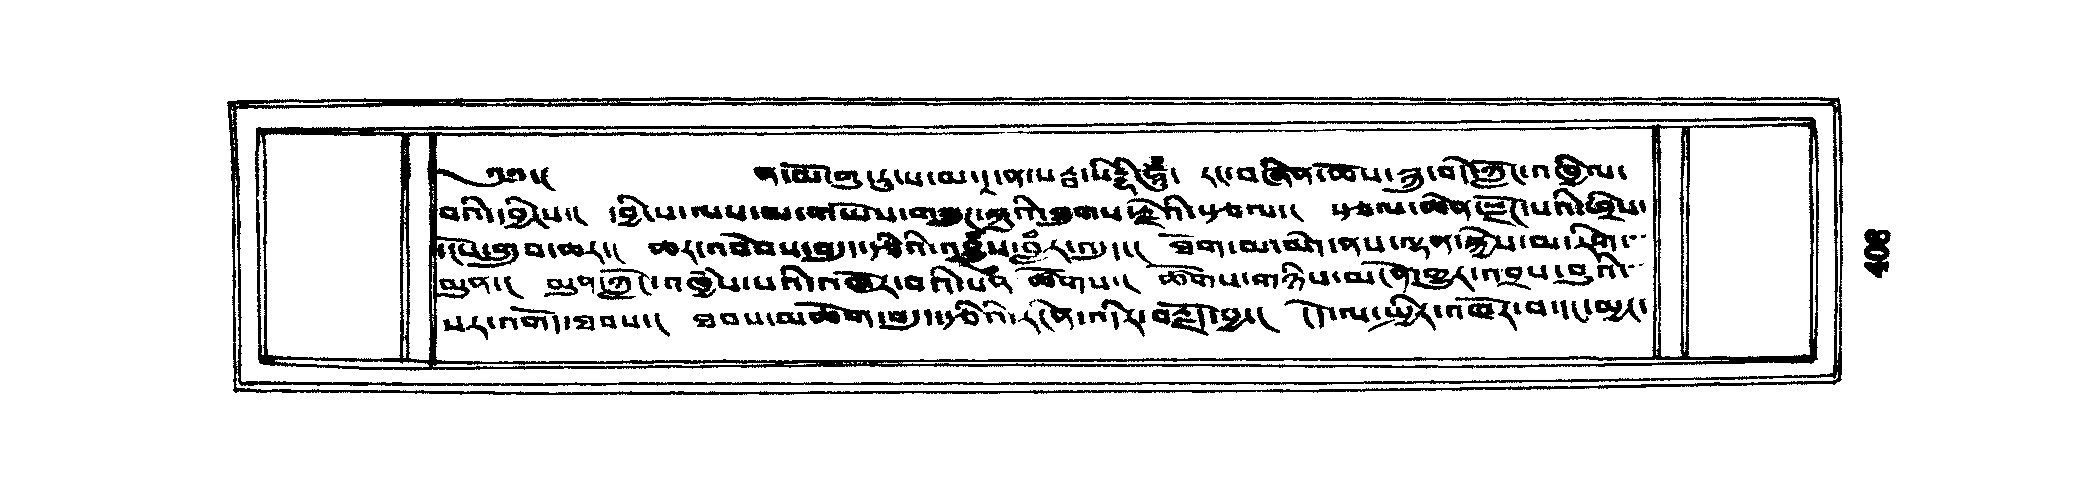ན་མོ་གུ་རུ་ས་མ་དཱ་ན་སརྦ་སིདྷི་ཧཱུྃ། རང་བཞིན་ཆོས་སྐུ་བདེ་ཀློང་འཁྱིལ་
བའི་དབྱིངས། །དབྱིངས་ལས་མ་གཡོས་གཟུགས་སྐུའི་ཐུགས་རྗེའི་རྩལ། །རྩལ་ཆེན་རྫོགས་པའི་ཕྲིན་ལས་
དངོས་གྲུབ་ཆར། །ཆར་འབེབས་བདུད་རྩིའི་འབྱུང་གནས་བླ་མར་འདུད། །ཐོག་མ་མེད་ནས་ལྷན་སྐྱེས་མ་རིག་
མུན། །མུན་ཀློང་འཁྱམས་པའི་འཁོར་བའི་སེམས་ཅན་ཚོགས། །ཚོགས་གཉིས་མངོན་གྱུར་འབྲས་བུའི་
སར་འགོད་ཐབས། །ཐབས་མཆོག་བདུད་རྩིའི་རང་བཞིན་འདིར་བརྗོད་བྱ། །དེ་ལ་སྤྱིར་འཁོར་བ་དང་མྱང་